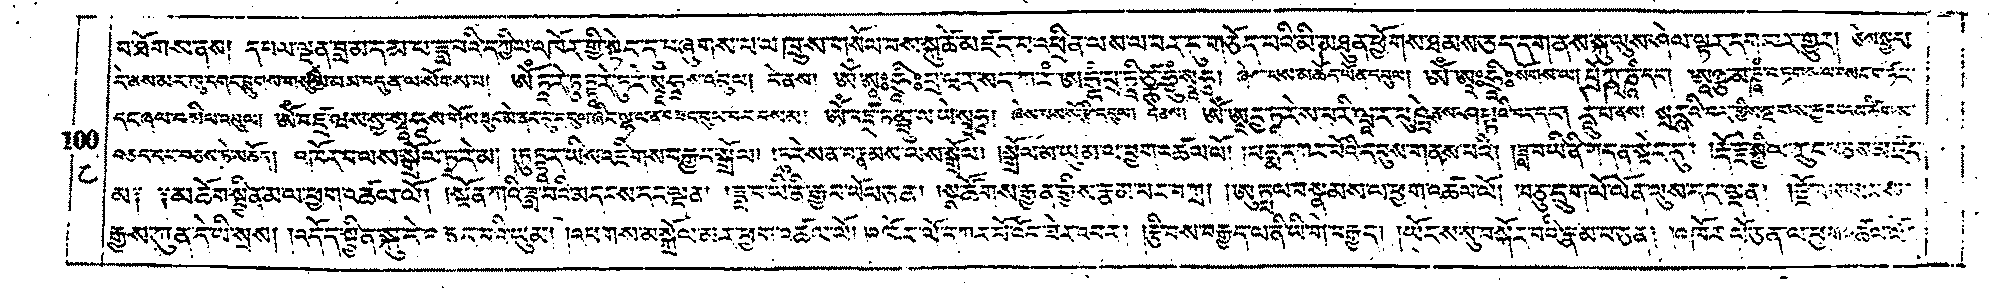བ་ཐོགས་ནས། དཔལ་ལྡན་བླ་མ་དམ་པ་ཟླ་བའི་དཀྱིལ་འཁོར་གྱི་སྟེང་དུ་བཞུགས་པ་ལ་ཁྲུས་གསོལ་བས་སྐུ་ཚེ་མཛད་པ་འཕྲིན་ལས་ལ་བར་དུ་གཅོད་པའི་མི་མཐུན་ཕྱོགས་ཐམས་ཅད་དག་ནས་སྐུ་ལུས་ཤེལ་ལྟར་དག་པར་གྱུར། ཅེས་སྦྱར།
དེ་ནས་མར་ཁུ་དགང་བླུགས་གསུམ་མམ་བདུན་ལ་སོགས་པ། ཨོཾ་ཏཱ་རེ་ཏུ་ཏྟཱ་རེ་ཏུ་རེ་སྭཱཧཱ་ས་འབུལ། དེ་ནས། ཨོཾ་ཨཱཿ ཧཱྲིཿ པྲ་ཝ་ར་སད་ཀ་རཾ་ཨརྒྷཾ་པྲ་ཏཱི་ཙྪ་ཧཱུཾ་སྭཱཧཱ། ཞེས་པས་མཆོད་ཡིན་དབུལ།  ཨོཾ་ཨཱཿ ཧྲཱིཿ སོགས་ལ།  པྲོ་ཀྵ་ཎཱཾ་དང་།  ཨཱཉྩ་མ་ཎཱཾ་བཏགས་ལ་བསང་གཏོར་
དང་ཞལ་བསིལ་འབུལ། ཨོཾ་བཛྲ་ཝས་སྱ་སྭཱ་ཧཱས་སོགས་ཟུང་མེ་ནང་དུ་དབུལ་ཞིང་ལྷལ་ན་བཟའ་ཕུལ་བར་བསམ།  ཨོཾ་བཛྲ་ཏམྦུ་ལ་ཡེ་སྭཱ་ཧཱ། ཞེས་པས་སོ་རྩི་དབུལ། དེ་ནས།  ཨོཾ་ཨཱ་རྱ་ཏཱ་རེ་ས་པ་རི་ཝཱ་ར་པུཥྤེ་ནས་ཤཔྟའི་བར་དང་། རཱུ་པ་ནས། སྤརྴའི་བར་གྱིས་སྔགས་རྒྱང་པའམ་ཚིགས་
བཅད་དང་བཅས་ཏེ་མཆོད། འཁོར་བ་ལས་སྒྲོལ་ཏཱ་རེ་མ། །ཏུ་ཏྟཱ་ར་ཡིས་འཇིགས་བརྒྱད་སྒྲོལ། །ཏུ་རེས་ན་བ་རྣམས་ལས་སྒྲོལ། །སྒྲོལ་མ་ཡུམ་ལ་ཕྱག་འཚལ་ལོ། །པདམ་དཀར་པོའི་དབུས་གནས་པའི། །ཟླ་བ་ཡི་ནི་གདན་སྟེང་དུ། །རྡོ་རྗེ་སྐྱིལ་ཀླུང་བཅས་མཛད་
མ༑ ༑མཆོད་སྦྱིན་མ་ལ་ཕྱག་འཚལ་ལོ། །སྟོན་ཀའི་ཟླ་བའི་མདངས་དང་ལྡན། །ཟླ་བ་ཡི་ནི་རྒྱབ་ཡོལ་ཅན། །སྣ་ཚོགས་རྒྱན་གྱིས་རྣམ་པར་བཀྲ། །ཨུཏྤལ་བསྣམས་ལ་ཕྱག་འཚལ་ལོ། །བཅུ་དྲུག་ལོ་ལོན་ལུས་དང་ལྡན། །རྫོགས་སངྶ་་་
རྒྱས་ཀུན་དེ་ཡི་སྲས། །འདོད་སྦྱིན་སྐུ་དེ་འཆང་བའི་ཡུམ། །འཕགས་མ་སྒྲོལ་མར་ཕྱག་འཚལ་ལོ། །འཁོར་ལོ་དཀར་པོ་འོད་ཟེར་འབར། །རྩིབས་བརྒྱད་ལ་ནི་ཡི་གེ་བརྒྱད། །ཡོངས་སུ་བསྐོར་བའི་རྣམ་པ་ཅན། །འཁོར་ལོ་ཅན་ལ་ཕྱག་འཚལ་ལོ་